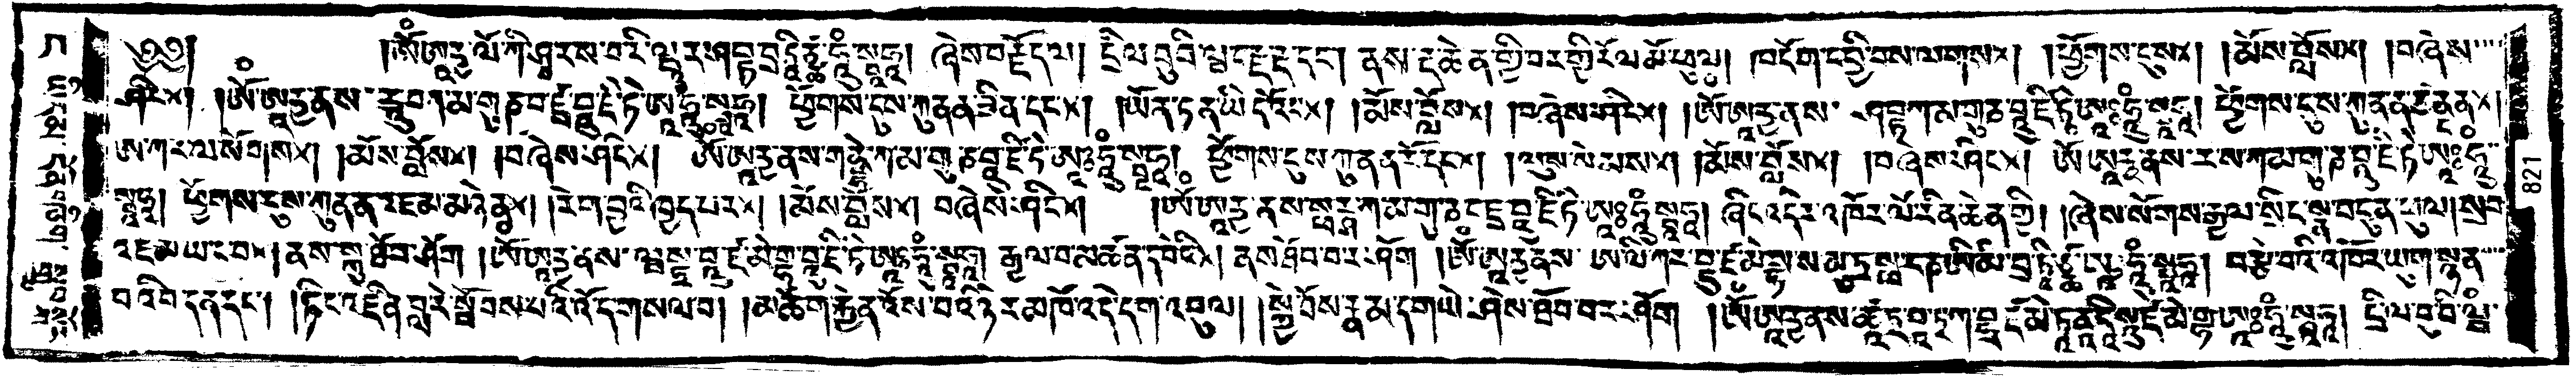༄༅། །ཨོཾ་ཨཱརྱ་ལོ་ཀི་ཤྭ་ར་ས་བ་རི་ཝཱར་ཤབཏ་བྲ་དཱི་ཙྪ་ཧཱུཾ་སྭཱཧཱ། ཞེས་བརྗོད་ལ། དྲིལ་བུ་བི་ཝང་རྗ་རྡ་དང་། ནས་རྡ་ཆེན་གྱི་བར་གྱི་རོལ་མོ་ཕུལ། །བདོག་དབྱི་བས་ལགས་྾། །ཕྱོགས་དུ་ས་྾། །མོས་བློས་྾། །བཞེས་
ཤིང་྾། །ཨོཾ་ཨཱརྱ་ནས་རཱུ་བ་ཀི་མ་གུ་ཎ་བཛྲ་བཱུ་ཇི་ཏེ་ཨཱ་ཧཱུཾ་སྭཱཧཱ། ཕྱོགས་དུས་ཀུན་ན་ཟིན་དང་྾། །ཡོན་ཏན་ཡིད་འོང་྾། །མོས་བློས་྾། །བཞེས་ཤིང་྾། །ཨོཾ་ཨཱརྱ་ནས་ཤབཏ་ཀ་མ་གུཎ་བཱུ་ཛི་ཏེ་ཨཱཿཧཱུཾ་སྭཱཧཱ། ཕྱོགས་དུས་ཀུན་ན་ཙནྡ་ན་྾།
ཨ་ཀ་ར་ལ་སོགས་྾། །མོས་བློས་྾། །བཞེས་ཤིང་྾། ཨོཾ་ཨཱརྱ་ནས་གནྡྷེ་ཀ་མ་གུ་ཎ་བཱུ་ཇི་ཏེ་ཨཱཿཧཱུཾ་སྭཱཧཱ། ཕྱོགས་དུས་ཀུན་ན་རོ་དང་྾། །ལུས་སེམས་྾། །མོས་བློས་྾། །བཞེས་ཤིང་྾། ཨོཾ་ཨཱརྱ་ནས་རས་ཀ་མ་གུ་ཎ་བཱུ་ཇི་ཏེ་ཨཱཿཧཱུཾ་
སྦཱཧཱ། ཕྱོགས་དུས་ཀུན་ན་འཇམ་མཉེན་྾། །རེག་བྱའི་ཁྱད་པར་྾། །མོས་བློས་྾། བཞེས་ཤིང་྾། །ཨོཾ་ཨཱརྱ་ནས་སྦརྴ་ཀ་མ་གུ་ཎ་བཛྲ་བཱུ་ཛི་ཏེ་ཨཱཿཧཱུཾ་སྭཱཧཱ། ཞིང་འདིར་འཁོར་ལོ་རིན་ཆེན་གྱི། །ཞེས་སོགས་རྒྱལ་སྲིད་སྣ་བདུན་ཕུལ། སྲབ་
འཇམ་ཡང་བ་྾། ནས་སྐུ་ཐོབ་ཤོག །ཨོཾ་ཨཱརྱ་ནས་ཝསྟྲ་བཱུ་ཛ་མེ་གྷ་བཱུ་ཇི་ཏེ་ཨཱཿཧཱུཾ་སྭཱཧཱ། རྒྱལ་བ་མཚན་དབའི་྾། ནས་ཐོབ་པར་ཤོག །ཨོཾ་ཨཱརྱ་ནས་ཨ་ལི་ཀར་བཱུ་ཛ་མེ་གྷ་ས་མུ་ཏྲ་སྥ་ཎ་ཨི་མི་བྲ་ཏཱི་ཙྪ་ཨཱཿཧཱུཾ་སྭཱཧཱ། བརྩེ་བའི་འཁོར་ཡུག་སྙན་
བའི་བདན་དང་། །ཏིང་འཛིན་བླ་རེ་སྤོབས་པའི་འོད་གསལ་བ། །མཆོག་རྐྱེན་འོས་བའི་ཉེར་མཁོ་འདི་དག་འབུལ། །སྐྱེ་བོས་རྣམ་དག་ཡེ་ཤེས་ཐོབ་པར་ཤོག །ཨོཾ་ཨཱརྱ་ནས་ཚཱ་དྲ་པཱ་ཏྲག་བྲ་ཛ་མེ་ཏཱ་ནཱ་དཱི་བཱུ་ཛ་མེ་གྷ་ཨཱཿཧཱུཾ་སྭཱཧཱ། དྲིལ་བུ་བི་ཝ་